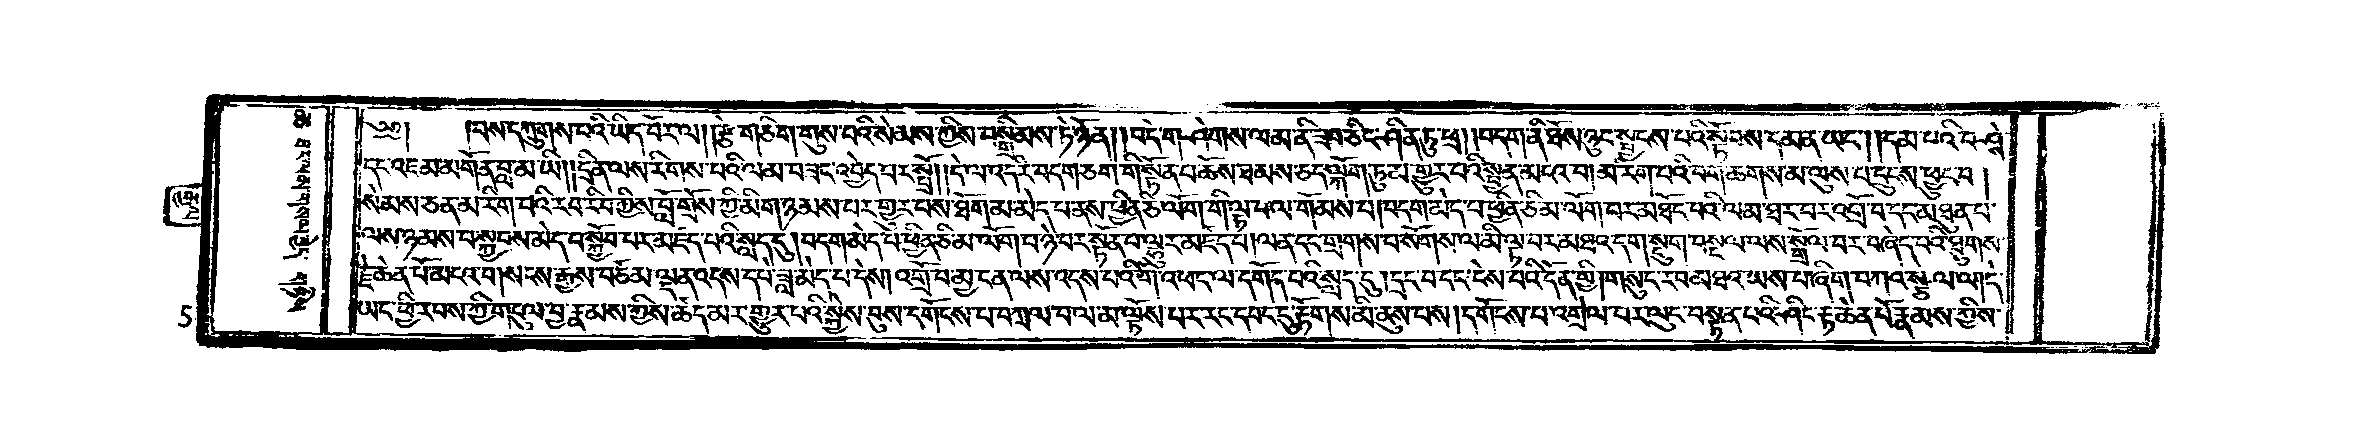༄༅། །བས་དཀྲུགས་པའི་ཡིད་བོར་ལ། །རྩེ་གཅིག་གུས་པའི་སེམས་ཀྱིས་བསྒྲིམས་ཏེ་ཉོན། །བདེ་གཤེགས་ལམ་ནི་ཟབ་ཅིང་ཤིན་ཏུ་ཕྲ། །བདག་ནི་ཐོས་ཉུང་སྦྱངས་པའི་སྟོབས་དམན་ཡང་། །དམ་པའི་བཤེས་
དང་འཇམ་མགོན་བླ་མ་ཡི། །དྲིན་ལས་རིགས་པའི་ལམ་བཟང་འབྱེད་པར་སྤྲོ། །དེ་ལ་འདིར་བདག་ཅག་གི་སྟོན་པ་ཆོས་ཐམས་ཅད་ལྐོག་ཏུ་མ་གྱུར་པའི་སྤྱན་མངའ་བ། མ་རིག་པའི་བག་ཆགས་མ་ལུས་པ་དྲུངས་ཕྱུང་བ།
སེམས་ཅན་མ་རིག་པའི་རབ་རིབ་ཀྱིས་བློ་གྲོས་ཀྱི་མིག་ཉམས་པར་གྱུར་པས་ཐོག་མ་མེད་པ་ནས་ཕྱིན་ཅི་ལོག་གི་ལྟ་བ་ལ་གོམས་པ། བདག་མེད་པ་ཕྱིན་ཅི་མ་ལོག་པར་མཐོང་བའི་ལམ་ཐར་བར་འགྲོ་བ་དང་མཐུན་པ་
ལས་ཉམས་པ་སྐྱབས་མེད་པ་སྐྱོབ་པར་མཛད་པའི་སླད་དུ། བདག་མེད་པ་ཕྱིན་ཅི་མ་ལོག་པ་ཉེ་བར་སྟོན་པ་ལྷུར་མཛད་པ། ལན་དང་གྲགས་པ་སོགས་ལ་མི་ལྟ་བར་མཐའ་དག་སྡུག་བསྔལ་ལས་སྒྲོལ་བར་བཞེད་པའི་ཐུགས་
རྗེ་ཆེན་པོ་མངའ་བ། སངས་རྒྱས་བཅོམ་ལྡན་འདས་དཔེ་ཟླ་མེད་པ་དེས། འགྲོ་བ་མྱ་ངན་ལས་འདས་པའི་གོ་འཕང་ལ་དགོད་པའི་སླད་དུ། དྲང་བ་དང་ངེས་པའི་དོན་ཀྱི། གསུང་རབ་མཐའ་ཡས་པ་ཞིག་བཀའ་སྩལ་ལ། དེ་
ཡང་ཕྱི་རབས་ཀྱི་གདུལ་བྱ་རྣམས་ཀྱིས་ཚད་མར་གྱུར་པའི་སྐྱེས་བུས་དགོངས་པ་བཀྲལ་བ་ལ་མ་ལྟོས་པར་རང་དབང་དུ་རྟོགས་མི་ནུས་པས། དགོངས་པ་འགྲེལ་པ་ལུང་བསྟན་པའི་ཤིང་རྟ་ཆེན་པོ་རྣམས་ཀྱིས་